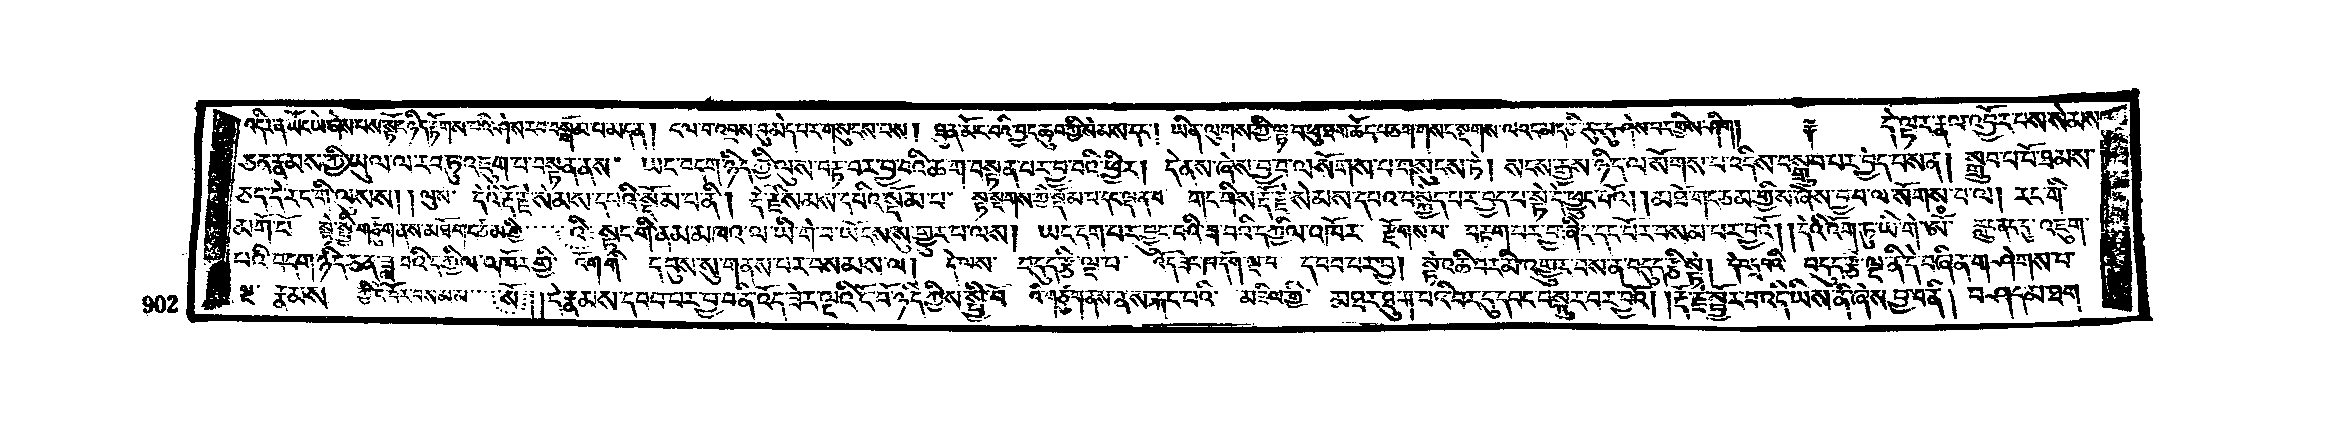འདིར་ན་ཡོང་ཡེ་ཞེས་པས་སྟོང་ཉིད་རྟོགས་པའི་ཤེས་རབ་བསྒོམ་པ་མེད་ན། ངལ་བ་འབྲས་བུ་མེད་པར་གསུངས་པས། ཐུན་མོང་བའི་བྱང་ཆུབ་ཀྱི་སེམས་དང་། ཡིན་ལུགས་ཀྱི་ལྟ་བ་ཕུ་ཐག་ཆོད་པ་ཅག་གསང་སྔགས་ལའང་མེད་མི་རུང་དུ་ཤེས་པར་གྱིས་ཤིག ། ༈ དེ་ལྟར་རྣལ་འབྱོར་པས་སེམས་
ཅན་རྣམས་ཀྱི་ཡུལ་ལ་རབ་ཏུ་འཇུག་པ་བསྟན་ནས་ཡང་བདག་ཉིད་ཀྱི་ལུས་བརྟ་བར་བྱ་བའི་ཆོ་ག་བསྟན་པར་བྱ་བའི་ཕྱིར། དེ་ནས་ཞེས་བྱ་བ་ལ་སོགས་པ་གསུངས་ཏེ། སངས་རྒྱས་ཉིད་ལ་སོགས་པ་འདིས་བསྒྲུབ་པར་བྱེད་པས་ན། སྒྲུབ་པ་པོ་ཐམས་
ཅད་དེ་རང་གི་ལུས་ས། །ལུས་དེའི་རྡོ་རྗེ་སེམས་དཔའི་སྡོམ་པ་ནི། རྡོ་རྗེ་སེམས་དཔའི་སྡོམ་པ་སྟེ་སྔགས་ཀྱི་སྡོམ་པ་དང་ལྡན་པ་གང་གིས་རྡོ་རྗེ་སེམས་དཔའ་བསྐྱེད་པར་བྱེད་པ་སྟེ་དེ་ཕྱུང་བའོ། །མཐོ་གང་ཙམ་གྱིས་ཞེས་བྱ་བ་ལ་སོགས་པ་ལ། རང་གི་
མགོ་པོ་སྟེ་སྤྱི་གཙུག་ནས་མཐོ་གང་ཙམ་གྱི་འི་སྟེང་གི་ནམ་མཁའ་ལ་ཡི་གེ་བ་ཡོངས་སུ་གྱུར་པ་ལས། ཡང་དག་པར་བྱུང་བའི་།ཟ་བའི་དཀྱིལ་འཁོར་རྫོགས་པ་བརྟག་པར་བྱ་ཞིང་དང་པོར་བསམ་པར་བྱའོ། །དེའི་འོག་ཏུ་ཡི་གེ་ཨོཾ་རླུང་ནང་དུ་འཇུག་
པའི་བདག་ཉིད་ཅན་ཟླ་བའི་དཀྱིལ་འཁོར་གྱི་འོག་གི་དབུས་སུ་གནས་པར་བསམས་ལ། དེ་ལས་བདུད་རྩི་ལྔ་པ་འོད་ཟེར་ཁ་དོག་ལྔ་པ་དབབ་པར་བྱ། སྟེ་འཆི་བར་མི་འགྱུར་བས་ན་བདུད་རྩི་སྟེ། དེ་འདྲ་བའི་བདུད་རྩི་ལྔ་ནི་དེ་བཞིན་གཤེགས་པ་
ལྔ་རྣམས་ཀྱི་ངོ་བོར་བསམ་མ་སོ། །དེ་རྣམས་དབབ་པར་བྱ་བ་ནི་འོད་ཟེར་ལྔའི་ངོ་བོ་ཉིད་ཀྱིས་སྤྱི་བོའི་གཙུག་ནས་ནས་རྐང་པའི་མཐིལ་གྱི་མཐར་ཐུག་པའི་བར་དུ་དབང་བསྐུར་བར་བྱའོ། །རྡོ་རྗེ་སྦྱོར་བ་འདི་ཡིས་ནི་ཞེས་བྱ་བ་ནི། བཤད་མ་ཐག་